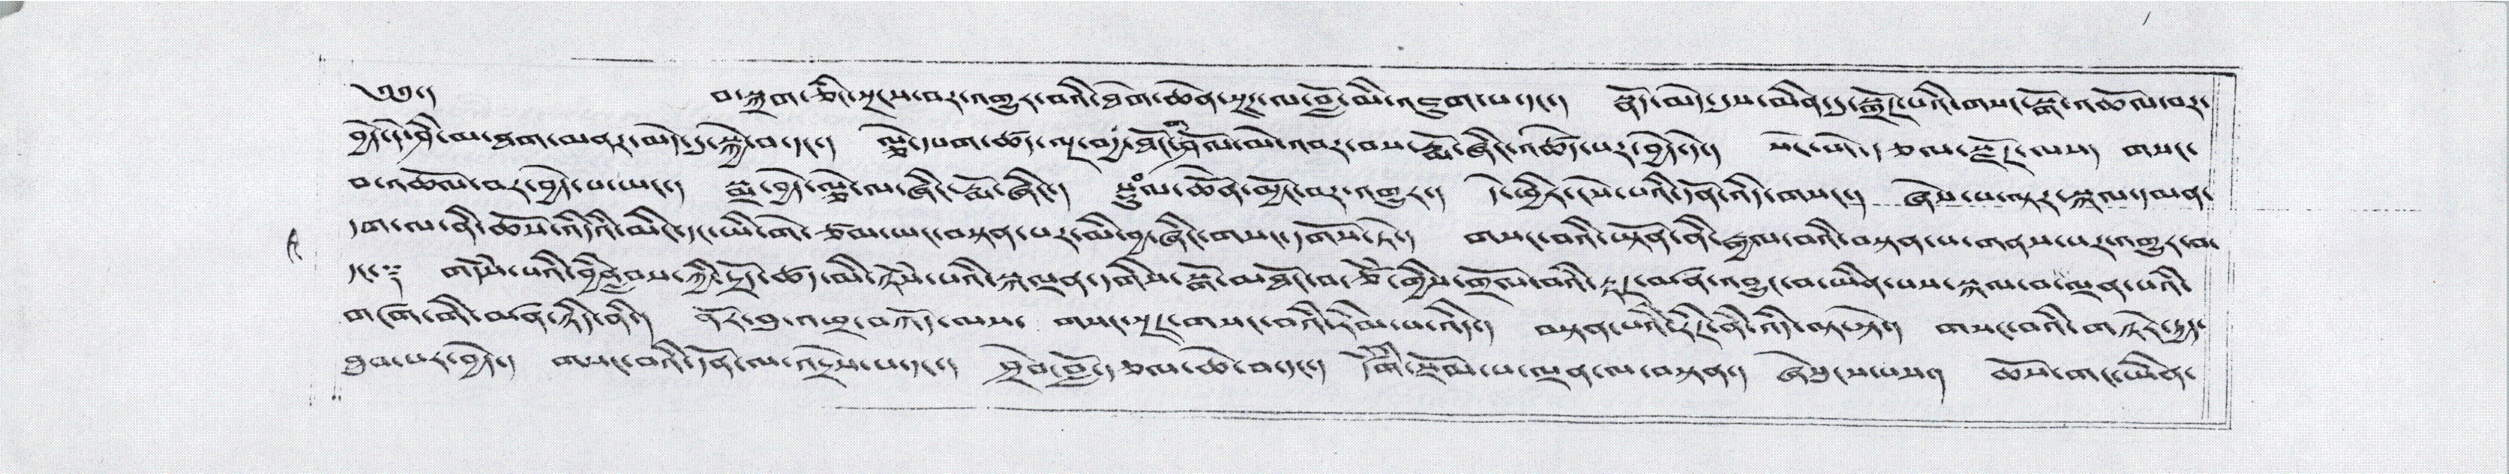བ་སྐྲགས་ཅིང་སྔང་བར་འགྱུར་བས་ཐེག་ཆེན་སྔགས་ལ་བློ་མི་འཇུག་པ་དང་། སྣོད་མེད་དུས་མིན་དུ་སྒྲོག་པའི་གསང་སྒོ་འཆོལ་བར་
བྱེད་དེ་ཤི་མ་ཐག་མནར་མེད་དུ་སྐྱེ་བ་དང་། ལྕེ་དཔག་ཚད་ལྔ་བརྒྱ་ཐང་གཤོལ་མེ་འབར་བས་རྨོ་ཞིང་འཚེད་པར་བྱེད་པ་དེ། སེང་གེ་རྩལ་རྫོགས་ལས། གསང་
བ་འཆོལ་བར་བྱེད་པ་ཡང་། སྨྲ་བྱེད་ལྕེ་ལ་ཞིང་རྨོ་ཞིང་། སྡུག་བསྔལ་ཆེན་པོ་མྱོང་བར་འགྱུར། དེ་ཕྱིར་ངེས་པའི་དོན་འདི་གསང་། ཞེས་པ་ལྟར་སྐལ་དམན་
དག་ལ་ནི། ཆོས་འདིའི་མིང་དང་ཡི་གེ་ཙམ་ཡང་བསྟན་པར་མི་བྱ་ཞིང་གསང་དགོས་ཏེ། གསང་བའི་ཡོན་ཏན་ནི་རྒྱལ་བའི་བསྟན་པ་གནས་པར་འགྱུར་བ་
དང་། གདམས་པའི་བྱིན་རླབས་ཀྱི་དྲོད་ཚད་མི་ཉམས་པའི་སྐལ་ལྡན་དག་གིས་སྒོ་མཐོང་བ་ཙམ་གྱིས་གྲོལ་བའི་རྟགས་མཚན་འབྱུང་བ་ཡིན་པས། སྐལ་པ་ལྡན་པའི་
གང་ཟག་གི་མཚན་ཉིད་ནི། ནོར་བུ་འཕྲ་བཀོད་ལས། གསང་སྔགས་གསང་བའི་རིམ་པ་འདི། བསྟན་པའི་རིགས་ནི་འདི་ལྟ་སྟེ། གསང་བའི་གཉེར་གཏད་
ཐུབ་པར་བྱེད། གསང་བའི་དོན་ལ་འདྲེས་པ་དང་། ཤེས་རབ་བློ་རྩལ་ཆེ་བ་དང་། དམ་ཚིག་སྡོམ་པ་ལྡན་ལ་བསྟེན། ཞེས་གསུངས་པས། ཆོས་གང་ཡིན་